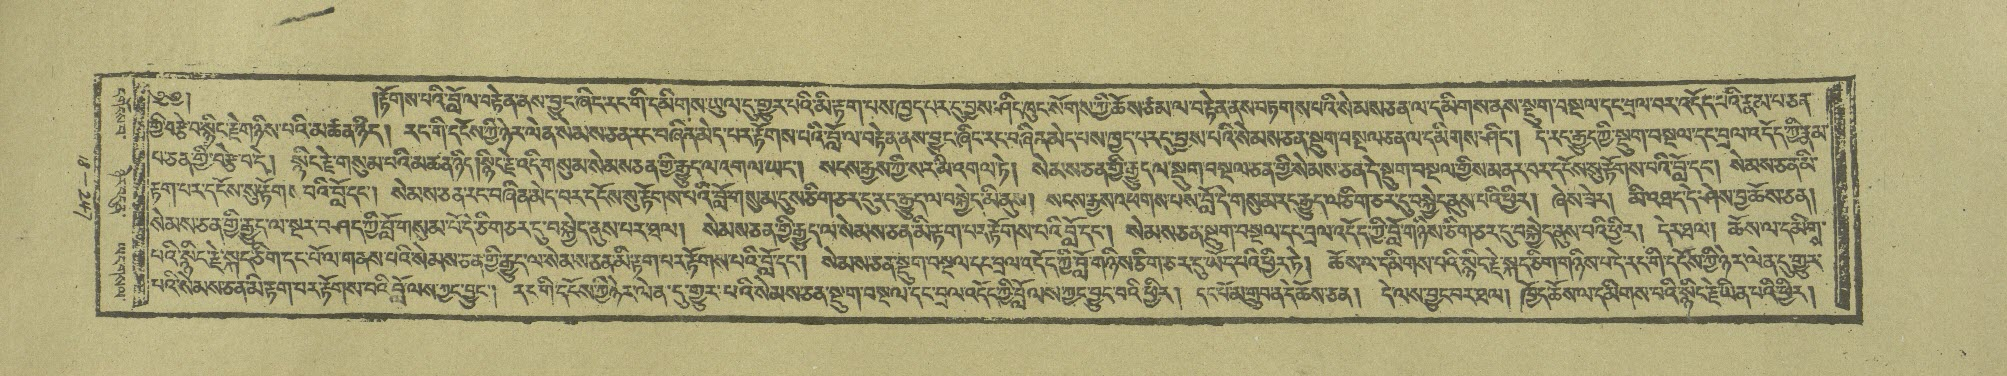༄༅། །རྟོགས་པའི་བློ་ལ་བརྟེན་ནས་བྱུང་ཞིང་རང་གི་དམིགས་ཡུལ་དུ་གྱུར་པའི་མི་རྟག་པས་ཁྱད་པར་དུ་བྱས་ཤིང་ཕུང་སོགས་ཀྱི་ཆོས་ཙམ་ལ་བརྟེན་ནས་བཏགས་པའི་སེམས་ཅན་ལ་དམིགས་ནས་སྡུག་བསྔལ་དང་བྲལ་བར་འདོད་པའི་རྣམ་པ་ཅན་
གྱི་བརྩེ་བ་སྙིང་རྗེ་གཉིས་པའི་མཚན་ཉིད། རང་གི་དངོས་ཀྱི་ཉེར་ལེན་སེམས་ཅན་རང་བཞིན་མེད་པར་རྟོགས་པའི་བློ་ལ་བརྟེན་ནས་བྱུང་ཞིང་རང་བཞིན་མེད་པས་ཁྱད་པར་དུ་བྱས་པའི་སེམས་ཅན་སྡུག་བསྔལ་ཅན་ལ་དམིགས་ཤིང་། དེ་རང་རྒྱུད་ཀྱི་སྡུག་བསྔལ་དང་བྲལ་འདོད་ཀྱི་རྣམ་
པ་ཅན་གྱི་བརྩེ་བ་དེ། སྙིང་རྗེ་གསུམ་པའི་མཚན་ཉིད། སྙིང་རྗེ་འདི་གསུམ་སེམས་ཅན་གྱི་རྒྱུད་ལ་འགལ་ཡང་། སངས་རྒྱས་ཀྱི་སར་མི་འགལ་ཏེ། སེམས་ཅན་གྱི་རྒྱུད་ལ་སྡུག་བསྔལ་ཅན་གྱི་སེམས་ཅན་དེ་སྡུག་བསྔལ་གྱིས་མནར་བར་དངོས་སུ་རྟོགས་པའི་བློ་དང་། སེམས་ཅན་མི་
རྟག་པར་དངོས་སུ་རྟོགས་པའི་བློ་དང་། སེམས་ཅན་རང་བཞིན་མེད་པར་དངོས་སུ་རྟོགས་པའི་བློ་གསུམ་དུས་ཅིག་ཅར་དུ་རང་རྒྱུད་ལ་བསྐྱེད་མི་ནུས། སངས་རྒྱས་འཕགས་པས་བློ་དེ་གསུམ་རང་རྒྱུད་ལ་ཅིག་ཅར་དུ་བསྐྱེད་ནུས་པའི་ཕྱིར། ཞེས་ཟེར། མི་འཐད་དེ་ཤེས་བྱ་ཆོས་ཅན།
སེམས་ཅན་གྱི་རྒྱུད་ལ་སྔར་བཤད་ཀྱི་བློ་གསུམ་པོ་དེ་ཅིག་ཅར་དུ་བསྐྱེད་ནུས་པར་ཐལ། སེམས་ཅན་གྱི་རྒྱུད་ལ་སེམས་ཅན་མི་རྟག་པར་རྟོགས་པའི་བློ་དང་། སེམས་ཅན་སྡུག་བསྔལ་དང་བྲལ་འདོད་ཀྱི་བློ་གཉིས་ཅིག་ཅར་དུ་བསྐྱེད་ནུས་པའི་ཕྱིར། དེར་ཐལ། ཆོས་ལ་དམིགས་
པའི་སྙིང་རྗེ་སྐད་ཅིག་དང་པོ་ལ་གནས་པའི་སེམས་ཅན་གྱི་རྒྱུད་ལ་སེམས་ཅན་མི་རྟག་པར་རྟོགས་པའི་བློ་དང་། སེམས་ཅན་སྡུག་བསྔལ་དང་བྲལ་འདོད་ཀྱི་བློ་གཉིས་ཅིག་ཅར་དུ་ཡོད་པའི་ཕྱིར་ཏེ། ཆོས་ལ་དམིགས་པའི་སྙིང་རྗེ་སྐད་ཅིག་གཉིས་པ་དེ་རང་གི་དངོས་ཀྱི་ཉེར་ལེན་དུ་གྱུར་
པའི་སེམས་ཅན་མི་རྟག་པར་རྟོགས་པའི་བློ་ལས་ཀྱང་བྱུང་། རང་གི་དངོས་ཀྱི་ཉེར་ལེན་དུ་གྱུར་བའི་སེམས་ཅན་སྡུག་བསྔལ་དང་བྲལ་འདོད་ཀྱི་བློ་ལས་ཀྱང་བྱུང་བའི་ཕྱིར། དང་པོ་མ་སྒྲུབ་ན་དེ་ཆོས་ཅན། དེ་ལས་བྱུང་བར་ཐལ། ཁྱོད་ཆོས་ལ་དམིགས་པའི་སྙིང་རྗེ་ཡིན་པའི་ཕྱིར།